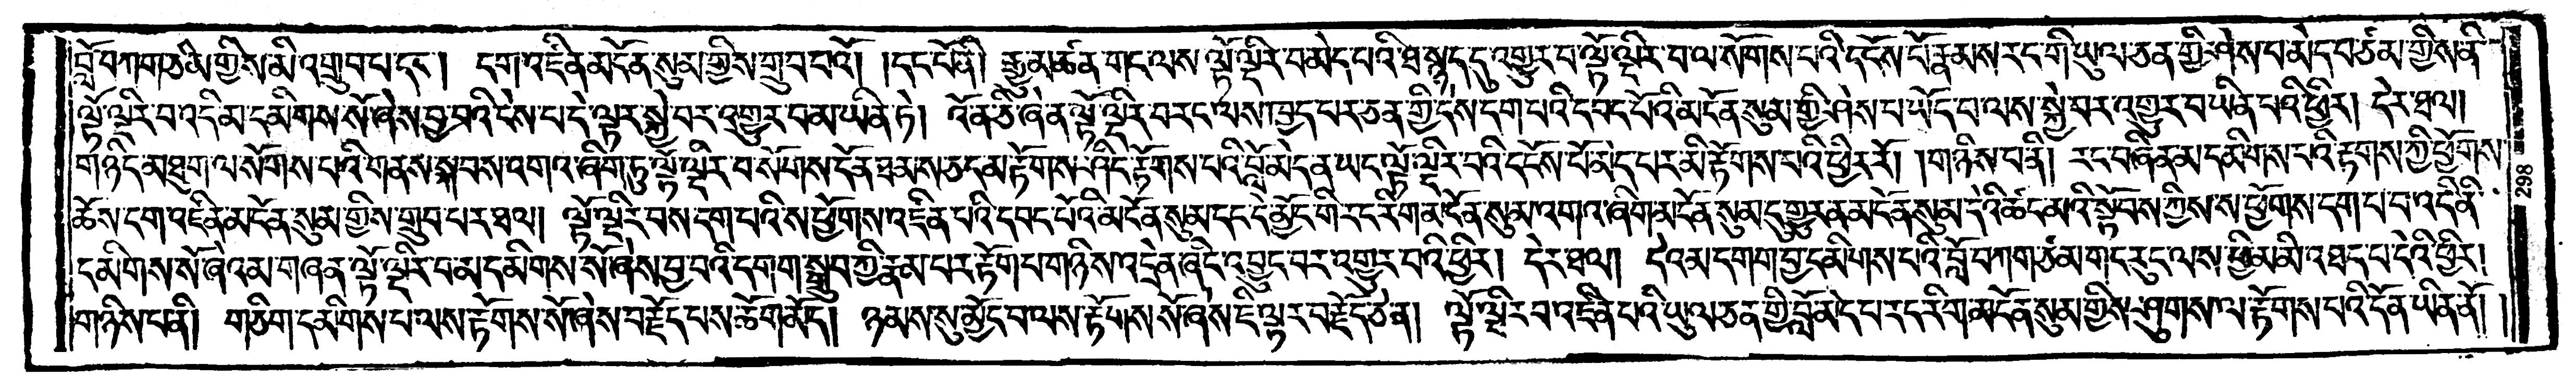བློ་བཀག་ཙམ་གྱིས་མི་འགྲུབ་པ་དང་། དག་འཛིན་མངོན་སུམ་གྱིས་གྲུབ་བའོ། །དང་པོ་ནི། རྒྱུ་མཚན་གང་ལས་ལྟོ་ལྡིར་བ་མེད་པའི་ཐ་སྙད་དུ་འགྱུར་བ་ལྟོ་ལྡིར་བ་ལ་སོགས་པའི་དངོས་པོ་རྣམས་རང་གི་ཡུལ་ཅན་གྱི་ཤེས་པ་མེད་བ་ཙམ་གྱིས་ནི་
ལྟོ་ལྡིར་བ་འདི་མ་དམིགས་སོ་ཞེས་བྱ་བའི་ངེས་པ་དེ་ལྟར་སྐྱེ་བར་འགྱུར་བ་མ་ཡིན་ཏེ། འོ་ན་ཅི་ཞེ་ན་ལྟོ་ལྡིར་བ་རང་ལས་ཁྱད་པར་ཅན་གྱི་དེས་དག་པའི་དབང་པོའི་མངོན་སུམ་གྱི་ཤེས་པ་ཡོད་བ་ལས་སྐྱེ་བར་འགྱུར་བ་ཡིན་པའི་ཕྱིར། དེར་ཐལ།
གཉིད་མཐུག་ལ་སོགས་པའི་གནས་སྐབས་འགའ་ཞིག་ཏུ་ལྟོ་ལྡིར་བ་སོགས་དོན་ཐམས་ཅད་མ་རྟོགས་ཤིང་རྟོགས་པའི་བློ་མེད་ན་ཡང་ལྟོ་ལྡིར་བའི་དངོས་པོ་མེད་པར་མི་རྟོགས་པའི་ཕྱིར་རོ། །གཉིས་བ་ནི། རང་བཞིན་མ་དམིགས་པའི་རྟགས་ཀྱི་ཕྱོགས་
ཆོས་ངག་འཛིན་མངོན་སུམ་གྱིས་གྲུབ་པར་ཐལ། ལྟོ་ལྡིར་བས་དག་པའི་ས་ཕྱོགས་འཛིན་པའི་དབང་པོའི་མངོན་སུམ་དང་དེ་མྱོང་གི་རང་རིག་མངོན་སུམ་འགའ་ཞིག་མངོན་སུམ་དུ་གྱུར་ན་མངོན་སུམ་དེའི་ཚད་མའི་སྟོབས་ཀྱིས་ས་ཕྱོགས་དག་པ་བ་འདི་ནི་
དམིགས་སོ་ཞེའམ་གཞན་ལྟོ་ལྡིར་བ་མ་དམིགས་སོ་ཞེས་བྱ་བའི་དགག་སྒྲུབ་ཀྱི་རྣམ་པར་རྟོག་པ་གཉིས་འདྲེན་ཞིང་འབྱུང་བར་འགྱུར་བའི་ཕྱིར། དེར་ཐལ། དེའམ་དགག་བྱ་དམིགས་པའི་བློ་བཀག་ཙམ་གང་རུང་ལས་ཕྱི་མ་མི་འཐད་པ་དེའི་ཕྱིར།
གཉིས་པ་ནི། གཅིག་དམིགས་པ་ལས་རྟོགས་སོ་ཞེས་བརྗོད་པས་ཆོག་མོད། ཉམས་སུ་མྱོང་བ་ལས་རྟོགས་སོ་ཞེས་ཇི་ལྟར་བརྗོད་ཅེ་ན། ལྟོ་ལྡིར་བ་འཛིན་པའི་ཡུལ་ཅན་གྱི་བློ་མེད་པ་རང་རིག་མངོན་སུམ་གྱིས་ཤུགས་ལ་རྟོགས་པའི་དོན་ཡིན་ནོ།།